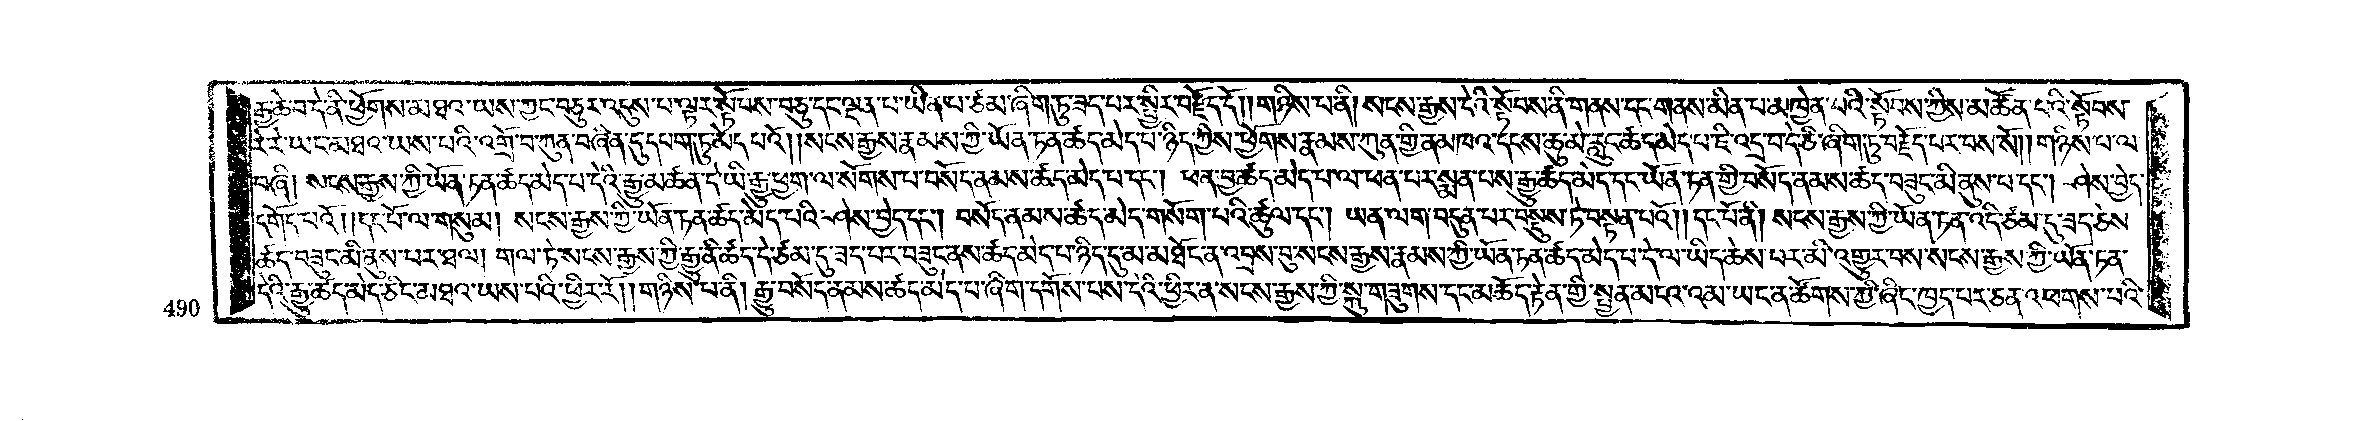རྒྱ་ཆེ་བ་དེ་ནི་ཕྱོགས་མཐའ་ཡས་ཀྱང་བཅུར་འདུས་པ་ལྟར་སྟོབས་བཅུ་དང་ལྡན་པ་ཡིན་པ་ཙམ་ཞིག་ཏུ་ཟད་པར་སྤྱིར་བརྗོད་དོ། །གཉིས་པ་ནི། སངས་རྒྱས་དེའི་སྟོབས་ནི་གནས་དང་གནས་མིན་པ་མཁྱེན་པའི་སྟོབས་ཀྱིས་མཚོན་པའི་སྟོབས་
རེ་རེ་ཡང་མཐའ་ཡས་པའི་འགྲོ་བ་ཀུན་བཞིན་དུ་དཔག་ཏུ་མེད་པའོ། །སངས་རྒྱས་རྣམས་ཀྱི་ཡོན་ཏན་ཚད་མེད་པ་ཉིད་ཀྱིས་ཕྱོགས་རྣམས་ཀུན་གྱི་ནམ་མཁའ་དངས་ཆུ་མེ་རླུང་ཚད་མེད་པ་ཇི་འདྲ་བ་དེ་ཅི་ཞིག་ཏུ་བརྗོད་པར་བས་སོ། །གཉིས་པ་ལ་
བཞི། སངས་རྒྱས་ཀྱི་ཡོན་ཏན་ཚད་མེད་པ་དེའི་རྒྱུ་མཚན་དེ་ཡི་རྒྱུ་ཕྱག་ལ་སོགས་པ་བསོད་ནམས་ཚད་མེད་པ་དང་། ཕན་བྱ་ཚད་མེད་པ་ལ་ཕན་པར་སྨན་པས་རྒྱུ་ཚད་མེད་དང་ཡོན་ཏན་གྱི་བསོད་ནམས་ཚད་བཟུང་མི་ནུས་པ་དང་། ཤེས་བྱེད་
དགོད་པའོ། །དང་པོ་ལ་གསུམ། སངས་རྒྱས་ཀྱི་ཡོན་ཏན་ཚད་མེད་པའི་ཤེས་བྱེད་དང་། བསོད་ནམས་ཚད་མེད་གསོག་པའི་ཚུལ་དང་། ཡན་ལག་བདུན་པར་བསྡུས་ཏེ་བསྟན་པའོ། །དང་པོ་ནི། སངས་རྒྱས་ཀྱི་ཡོན་ཏན་འདི་ཙམ་དུ་ཟད་ཅེས་
ཚད་བཟུང་མི་ནུས་པར་ཐལ། གལ་ཏེ་སངས་རྒྱས་ཀྱི་རྒྱུ་ནི་ཚད་དེ་ཙམ་དུ་ཟད་པར་བཟུང་ནས་ཚད་མེད་པ་ཉིད་དུ་མ་མཐོང་ན་འབྲས་བུ་སངས་རྒྱས་རྣམས་ཀྱི་ཡོན་ཏན་ཚད་མེད་པ་དེ་ལ་ཡིད་ཆེས་པར་མི་འགྱུར་བས་སངས་རྒྱས་ཀྱི་ཡོན་ཏན་
དེའི་རྒྱུ་ཚད་མེད་ཅིང་མཐའ་ཡས་པའི་ཕྱིར་རོ། །གཉིས་པ་ནི། རྒྱུ་བསོད་ནམས་ཚད་མེད་པ་ཞིག་དགོས་པས་དེའི་ཕྱིར་ན་སངས་རྒྱས་ཀྱི་སྐུ་གཟུགས་དང་མཆོད་རྟེན་གྱི་སྤྱན་མངའ་འམ་ཡང་ན་ཚོགས་ཀྱི་ཞིང་ཁྱད་པར་ཅན་འཕགས་པའི་